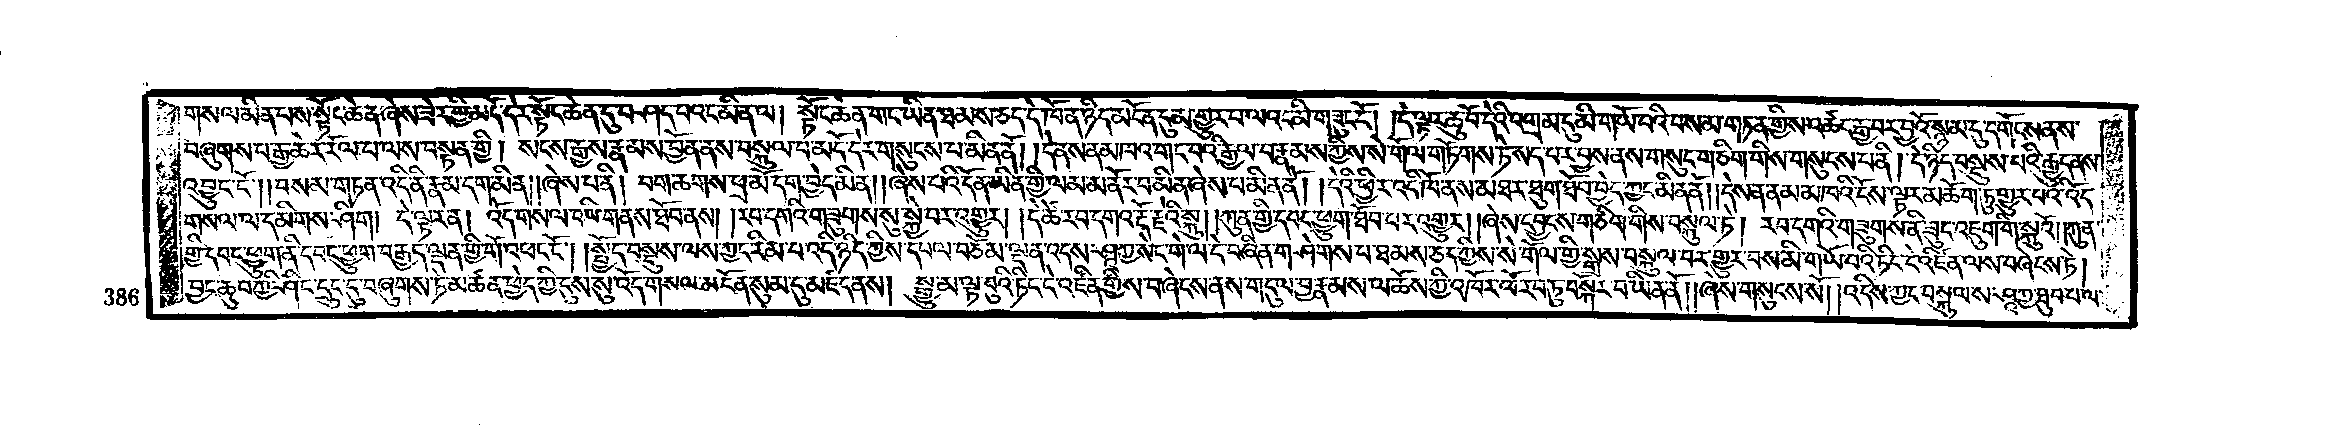གསལ་མིན་པས་སྟོང་ཆེན་ཞེས་ཟེར་གྱི་མདོ་དེར་སྟོང་ཆེན་དུ་བཤད་པའང་མིན་ལ། སྟོང་ཆེན་གང་ཡིན་ཐམས་ཅད་དེ་ཁོ་ན་ཉིད་མངོན་དུ་མ་གྱུར་པ་ལའང་མི་གཟུང་ངོ། །དེ་ལྟར་ཆུ་བོ་དེའི་འགྲམ་དུ་མི་གཡོ་བའི་བསམ་གཏན་གྱིས་འཚང་རྒྱ་བར་བྱའོ་སྙམ་དུ་དགོངས་ནས་
བཞུགས་པ་རྒྱ་ཆེར་རོལ་པ་ལས་བསྟན་གྱི། སངས་རྒྱས་རྣམས་བྱོན་ནས་བསྐུལ་བ་མདོ་དེར་གསུངས་པ་མིན་ནོ། །དེ་ནས་ནམ་མཁའ་གང་བའི་རྒྱལ་བ་རྣམས་ཀྱིས་སེ་གོལ་གཏོགས་ཏེ་སད་པར་བྱས་ནས་གསུང་གཅིག་གིས་གསུངས་པ་ནི། དེ་ཉིད་བསྡུས་པའི་རྒྱུད་ནས་
འབྱུང་ངོ། །བསམ་གཏན་འདི་ནི་རྣམ་དག་མིན། །ཞེས་པ་ནི། བག་ཆགས་ཕྲ་མོ་དག་བྱེད་མིན། །ཞེས་པའི་དོན་ཡིན་གྱི་ལམ་མ་ནོར་བ་མིན་ཞེས་པ་མིན་ནོ། །དེའི་ཕྱིར་འདི་ཁོ་ནས་མཐར་ཐུག་ཐོབ་བྱེད་ཀྱང་མིན་ནོ། །དེས་ན་ནམ་མཁའི་ངོས་ལྟར་མཆོག་ཏུ་གྱུར་པའི་འོད་
གསལ་ལ་དམིགས་ཤིག །དེ་ལྟར་ན། འོད་གསལ་བ་ཡི་གནས་ཐོབ་ནས། །རབ་དགའི་གཟུགས་སུ་སྐྱེ་བར་འགྱུར། །དེ་ཚེ་རབ་དགའ་རྡོ་རྗེའི་སྐུ། །ཀུན་གྱི་དབང་ཕྱུག་ཐོབ་པར་འགྱུར། །ཞེས་དབྱངས་གཅིག་གིས་བསྐུལ་ཏེ། རབ་དགའི་གཟུགས་ནི་ཟུང་འཇུག་གི་སྐུའོ། །ཀུན་
གྱི་དབང་ཕྱུག་ནི་དབང་ཕྱུག་བརྒྱད་ལྡན་གྱི་གོ་འཕང་ངོ། །སྤྱོད་བསྡུས་ལས་ཀྱང་རིམ་པ་འདི་ཉིད་ཀྱིས་དཔལ་བཅོམ་ལྡན་འདས་ཤཱཀྱ་སེང་གེ་ལ་དེ་བཞིན་གཤེགས་པ་ཐམས་ཅད་ཀྱིས་སེ་གོལ་གྱི་སྒྲས་བསྐུལ་བར་གྱུར་བས་མི་གཡོ་བའི་ཏིང་ངེ་འཛིན་ལས་བཞེངས་ཏེ།
བྱང་ཆུབ་ཀྱི་ཤིང་དྲུང་དུ་བཞུགས་ཏེ་མཚན་ཕྱེད་ཀྱི་དུས་སུ་འོད་གསལ་མངོན་སུམ་དུ་མཛད་ནས། སྒྱུ་མ་ལྟ་བུའི་ཏིང་ངེ་འཛིན་གྱིས་བཞེངས་ནས་གདུལ་བྱ་རྣམས་ལ་ཆོས་ཀྱི་འཁོར་ལོ་རབ་ཏུ་བསྐོར་བ་ཡིན་ནོ། །ཞེས་གསུངས་སོ། །འདིས་ཀྱང་བསྐུལ་ས་ཤཱཀྱ་ཐུབ་པ་ལ་